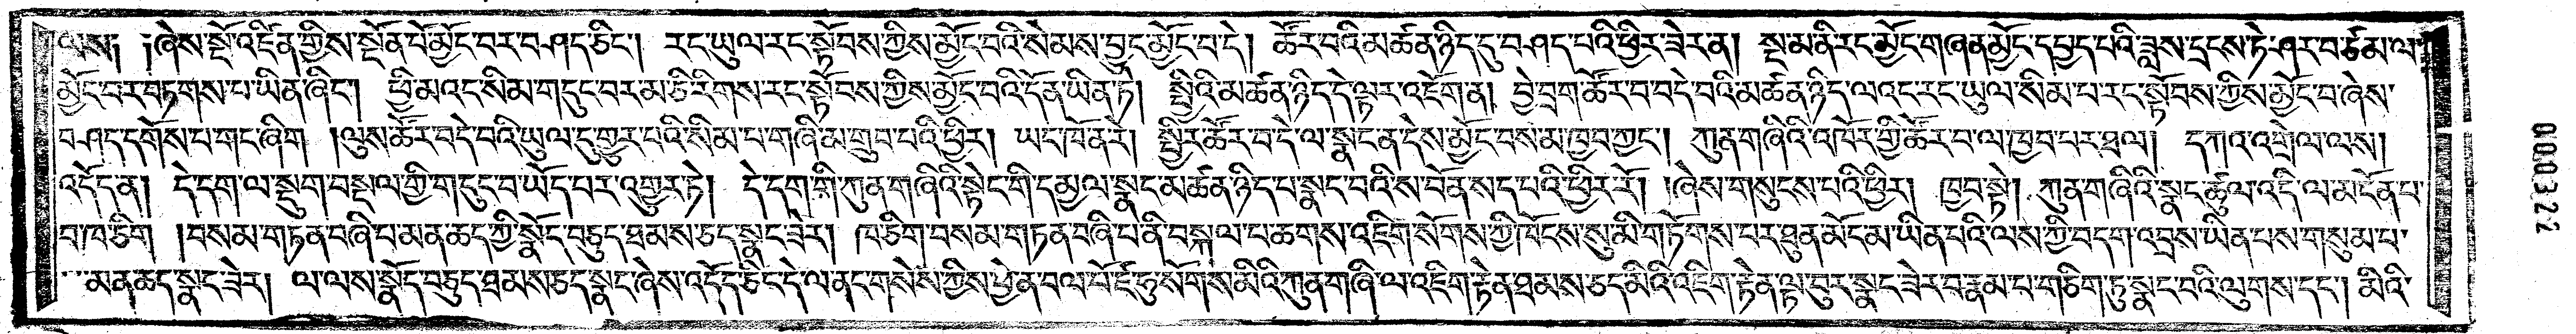ལས༑ ༑ཞེས་སྔོ་འཛིན་གྱིས་སྔོན་པོ་མྱོང་བར་བཤད་ཅིང་། རང་ཡུལ་རང་སྟོབས་ཀྱིས་མྱོང་བའི་སེམས་བྱུང་མྱོང་བ་དེ། ཚོར་བའི་མཚན་ཉིད་དུ་བཤད་པའི་ཕྱིར་ཟེར་ན། སྔ་མ་ནི་རང་མྱོང་གཞན་མྱོང་དཔྱད་པའི་ཟླས་དྲངས་ཏེ་ཤར་བ་ཙམ་ལ་
མྱོང་བར་བཏགས་པ་ཡིན་ཞིང་། ཕྱི་མའང་སིམ་གདུང་བར་མ་ཅི་རིགས་རང་སྟོབས་ཀྱིས་མྱོང་བའི་དོན་ཡིན་ཏེ། སྤྱིའི་མཚན་ཉིད་དེ་ལྟར་འཇོག་ན། བྱེ་བྲག་ཚོར་བ་བདེ་བའི་མཚན་ཉིད་ལའང་རང་ཡུལ་སིམ་པ་རང་སྟོབས་ཀྱིས་མྱོང་བ་ཞེས་
བཤད་དགོས་པ་གང་ཞིག །ལུས་ཚོར་བདེ་བའི་ཡུལ་དུ་གྱུར་པའི་སིམ་པ་གཞི་མ་གྲུབ་པའི་ཕྱིར། ཡང་ཁོ་ན་རེ། སྤྱིར་ཚོར་བ་དེ་ལ་སྣང་ན་དེས་མྱོང་བས་མ་ཁྱབ་ཀྱང་། ཀུན་གཞིའི་འཁོར་གྱི་ཚོར་བ་ལ་ཁྱབ་པར་ཐལ། དཀའ་འགྲེལ་ལས།
འདོད་ན། དེ་དག་ལ་སྡུག་བསྔལ་གྱི་གཟུང་བ་ཡོད་པར་འགྱུར་ཏེ། དེ་དག་གི་ཀུན་གཞིའི་སྟེང་གི་དམྱལ་སྣང་མཚན་ཉིད་པ་སྣང་བའི་ས་བོན་སད་པའི་ཕྱིར་རོ། །ཞེས་གསུངས་པའི་ཕྱིར། ཁྱབ་སྟེ། ཀུན་གཞིའི་སྣང་ཚུལ་འདི་ལ་མངོན་པ་
བ་ཁ་ཅིག །བསམ་གཏན་བཞི་བ་མན་ཆད་ཀྱི་སྣོད་བཅུད་ཐམས་ཅད་སྣང་ཟེར། ཁ་ཅིག་བསམ་གཏན་བཞི་པ་ནི་བསྐལ་པ་ཆགས་འཇིག་སོགས་ཀྱི་ཁོངས་སུ་མི་གཏོགས་པར་ཐུན་མོང་མ་ཡིན་པའི་ལས་ཀྱི་བདག་འབྲས་ཡིན་པས་གསུམ་པ་
མན་ཆད་སྣང་ཟེར། ལ་ལས་སྣོད་བཅུད་ཐམས་ཅད་སྣང་ཞེས་འདོད་ཅིང་དེ་ལ་ནང་གསེས་ཀྱིས་ཕྱེ་ན་བལ་པོ་ཛ་ཧུ་སོགས་མིའི་ཀུན་གཞི་ལ་འཇིག་རྟེན་ཐམས་ཅད་མིའི་འཇིག་རྟེན་ལྟ་བུར་སྣང་ཟེར་བ་རྣམ་པ་གཅིག་ཏུ་སྣང་བའི་ལུགས་དང་། མིའི་